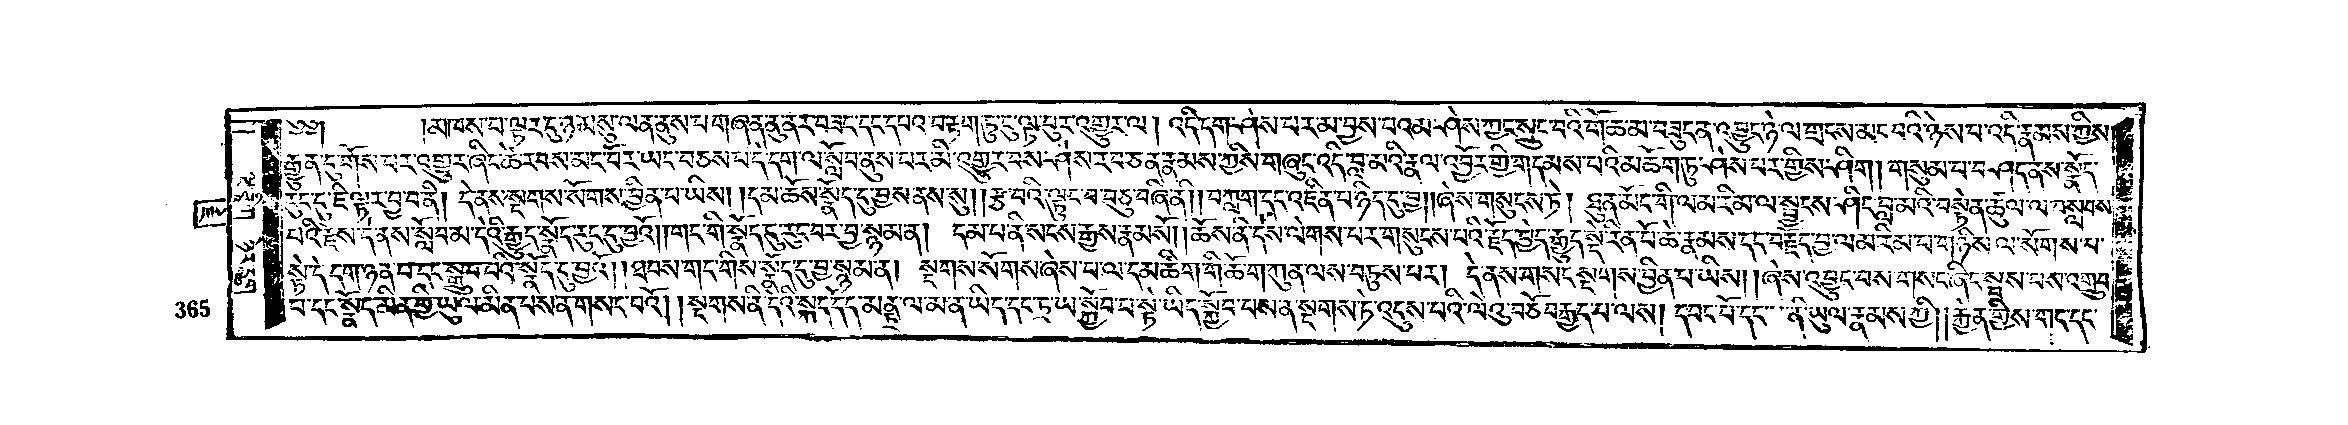༄༅། །མཁས་པ་ལྟར་དུ་ཉམས་སུ་ལན་ནུས་པ་གཞན་ནུ་ནར་བཟང་དང་དཔའ་བརྟག་ཏུ་ངུ་ལྟ་པུར་འགྱུར་ལ། འདི་དག་ཤེས་པར་མ་བྱས་པའམ་ཤེས་ཀྱང་སྲུང་བའི་གོ་ཆ་མ་བཟུང་ན་འབྱུང་ཉེ་ལ་གྲངས་མང་བའི་ཉེས་པ་འདི་རྣམས་ཀྱིས་
རྒྱུན་དུ་གོས་པར་འགྱུར་ཞིང་ཚེ་རབས་མང་པོར་ཡང་བཅས་པ་དེ་དག་ལ་སློབ་ནུས་པར་མི་འགྱུར་བས་ཤེས་རབ་ཅན་རྣམས་ཀྱིས་གཞུང་འདི་བླ་མའི་རྣལ་འབྱོར་གྱི་གདམས་པའི་མཆོག་ཏུ་ཤེས་པར་གྱིས་ཤིག །གསུམ་པ་བཤད་ནས་སྣོད་
རུང་དུ་ཇི་ལྟར་བྱ་བ་ནི། དེ་ནས་སྔགས་སོགས་བྱིན་པ་ཡིས། །དམ་ཆོས་སྣོད་དུ་བྱས་ནས་སུ། །རྩ་བའི་ལྟུང་བ་བཅུ་བཞི་ནི། །བཀླག་དང་འཛིན་པ་ཉིད་དུ་བྱ། །ཞེས་གསུངས་ཏེ། ཐུན་མོང་གི་ལམ་རིམ་ལ་སྦྱངས་ཤིང་བླ་མའི་བསྟེན་ཚུལ་ལ་བསླབས་
པའི་རྗེས་དེ་ནས་སློབ་མ་དེའི་རྒྱུད་སྣོད་རུང་དུ་བྱའོ། །གང་གི་སྣོད་དུ་རུང་བར་བྱ་སྙམ་ན། དམ་པ་ནི་སངས་རྒྱས་རྣམས་སོ། །ཆོས་ནི་དེས་ལེགས་པར་གསུངས་པའི་རྗོད་བྱེད་རྒྱུད་སྡེ་རིན་པོ་ཆེ་རྣམས་དང་བརྗོད་བྱ་ལམ་རིམ་པ་གཉིས་ལ་སོགས་པ་
སྟེ་དེ་དག་ཉན་པ་དང་སྒྲུབ་པའི་སྣོད་དུ་བྱའོ། །ཐབས་གང་གིས་སྣོད་དུ་བྱ་སྙམ་ན། སྔགས་སོགས་ཞེས་པ་ལ་དམ་ཚིག་གི་ཆོ་ག་ཀུན་ལས་བཏུས་པར། དེ་ནས་གསང་སྔགས་བྱིན་པ་ཡིས། །ཞེས་འབྱུང་བས་གསང་ཞིང་སྦས་པས་འགྲུབ་
བ་དང་སྣོད་མིན་གྱི་ཡུལ་མིན་པས་ན་གསང་བའོ། །སྔགས་ནི་དེའི་སྐད་དོད་མནྟྲ་ལ་མ་ན་ཡིད་དང་ཏྲ་ཡ་སྐྱོབ་པ་སྟེ་ཡིད་སྐྱོབ་པས་ན་སྔགས་ཏེ་འདུས་པའི་ལེའུ་བཅོ་བརྒྱད་པ་ལས། དབང་པོ་དང་ནི་ཡུལ་རྣམས་ཀྱི། །རྐྱེན་གྱིས་གང་དང་